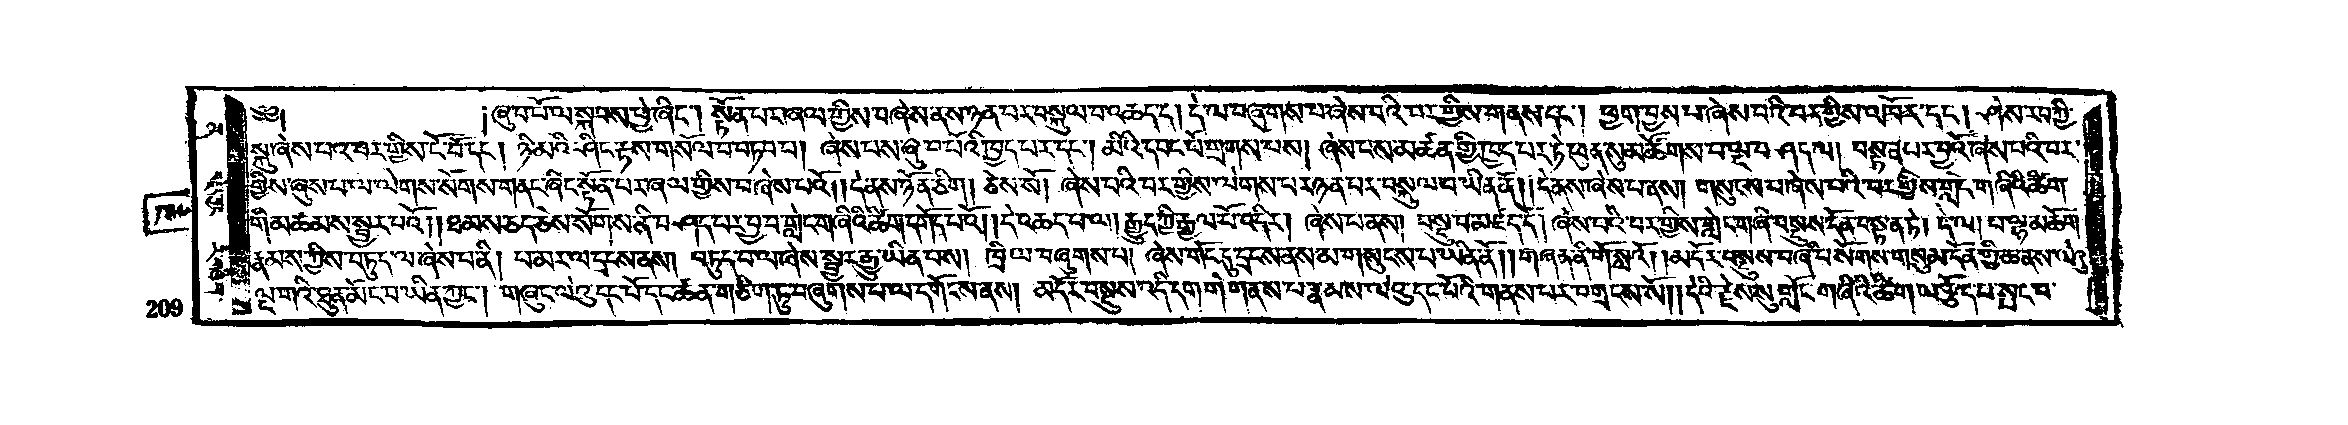༄༅། །ཞུ་བ་པོ་ལ་སྐབས་ཕྱེ་ཞིང་། སྟོན་པར་ཞལ་གྱིས་བཞེས་ནས་ཉན་པར་བསྐུལ་བ་འཆད་དེ། དེ་ལ་བཞུགས་པ་ཞེས་པའི་བར་གྱིས་གནས་དང་། ཕྱག་བྱས་པ་ཞེས་པའི་བར་གྱིས་འཁོར་དང་། ཤེས་རབ་ཀྱི་
སྐུ་ཞེས་པའི་བར་གྱིས་ངོ་བོ་དང་། ཉི་མའི་ཤིང་རྟས་གསོལ་བ་བཏབ་པ། ཞེས་པས་ཞུ་བ་པོའི་ཁྱད་པར་དང་། མིའི་དབང་པོ་གྲགས་པས། ཞེས་པས་མཚན་གྱི་ཁྱད་པར་ཏེ་ཕུན་སུམ་ཚོགས་པ་ལྔ་བཤད་ལ། བསྟན་པར་བྱའོ་ཞེས་པའི་བར་
གྱིས་ཞུས་པ་ལ་ལེགས་སོགས་གནང་ཞིང་སྟོན་པར་ཞལ་གྱིས་བཞེས་པའོ། །དེ་ནས་ཉོན་ཅིག །ཅེས་སོ། ཞེས་པའི་བར་གྱིས་ལེགས་པར་ཉན་པར་བསྐུལ་བ་ཡིན་ནོ། །དེ་ནས་ཞེས་པ་ནས། གསུངས་པ་ཞེས་པའི་བར་གྱིས་གླེང་གཞིའི་ཚིག་
གི་མཚམས་སྦྱར་བའོ། །ཐམས་ཅད་ཅེས་སོགས་ནི་བཤད་པར་བྱ་བ་གླེང་གཞིའི་ཚིག་དགོད་པའོ། །དེ་འཆད་པ་ལ། རྒྱུད་ཀྱི་རྒྱལ་པོ་འདིར། ཞེས་པ་ནས། བསྡུ་བ་མཛད་དོ། ཞེས་པའི་བར་གྱིས་གླེང་གཞི་བསྡུས་དོན་བསྟན་ཏེ། དེ་ལ། པ་ལྷ་མཆོག་
རྣམས་ཀྱིས་བཏུད་ལ་ཞེས་པ་ནི། པ་མར་ལ་དྲངས་ནས། བཏུད་པ་ལ་ཞེས་སྦྱར་རྒྱུ་ཡིན་པས། ཁྲི་ལ་བཞུགས་པ། ཞེས་གོང་དུ་དྲངས་ནས་མ་གསུངས་པ་ཡིན་ནོ། །གཞན་ནི་གོ་སླའོ། །མདོར་བསྡུས་བཞི་པ་སོགས་གསུམ་དོན་གྱི་ཆ་ནས་ལེའུ་
ལྔ་གའི་ཐུན་མོང་བ་ཡིན་ཀྱང་། གཞུང་ལེའུ་དང་པོ་དང་ཚན་གཅིག་ཏུ་བཞུགས་པ་ལ་དགོངས་ནས། མདོར་བསྡུས་འདི་དག་གི་གནས་པ་རྣམས་ལེའུ་དང་པོའི་གནས་པར་བགྲངས་སོ། །དེའི་རྗེས་སུ་གླེང་གཞིའི་ཚིག་ལ་རྩོད་པ་སྤང་བ་